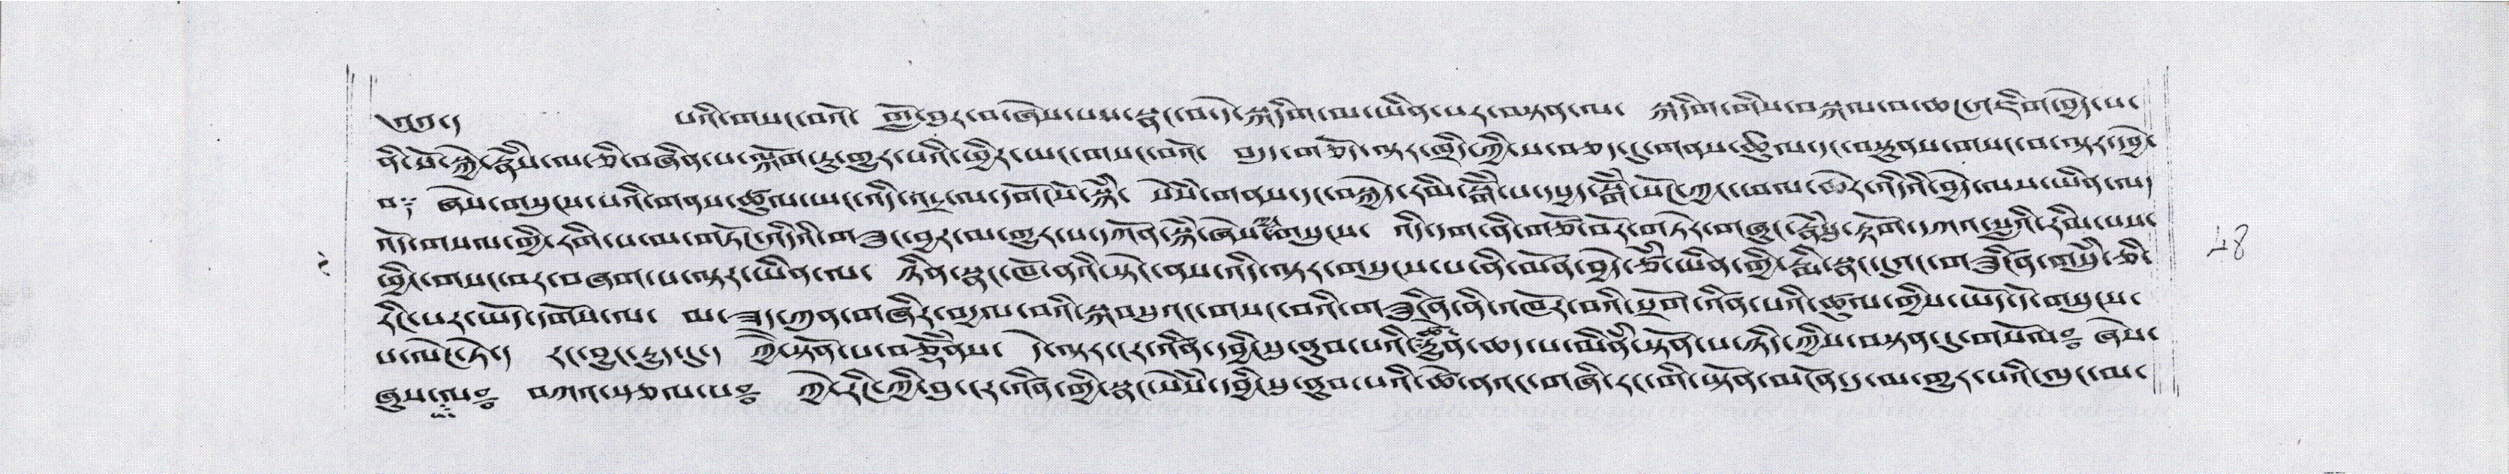པའི་གསང་བའོ། གློ་བུར་བ་ཞེས་པའི་སྣང་བ་དེ་སྐད་ཅིག་མ་ཡིན་པར་བསྟན་ལ། སྐད་ཅིག་གིས་བསྐལ་པ་ཆགས་འཇིག་བྱེད་པ་
ནི་སོ་སྐྱེ་རྣམས་ལ་ཅི་བཞིན་པ་ལྐོག་ཏུ་གྱུར་པའི་ཕྱིར་ཡང་གསང་བའོ། བདུད་གཅོད་ལྟར་ཁྲིད་ཀྱི་ས་བཅད་དུ་གནས་ཚུལ་དང་བསྟུན་ནས་གསང་བ་ལྟར་དབྱེ་
བ༑ ཞེས་གསུངས་པའི་གནས་ཚུལ་ཡང་འདི་འདྲ་ལ་དགོངས་སམ་སྙམ། སེམས་གནས་དང་བསྐྱེད་རིམ་བསྒོམ་པ་དཔྱད་སྒོམ་སོགས་ཀྱང་ཕལ་ཆེར་འདིའི་བྱེད་ལས་ཡིན་ལ། 
འོད་གསལ་གྱི་རིག་པ་མ་གཏོགས་འདིའི་གཟུང་བྱར་མ་གྱུར་པ་དཀོན་སྙམ་ཞེས་ཀྱང་གསུངས། འདི་དག་ནི་གཙོ་བོར་གཏེར་གཞུང་རྣམས་སུ་རྟོགས་དཀའ་སླའི་རིམ་པས་
ཕྱི་ནང་གསང་བར་བཞག་པ་ལྟར་ཡིན་ལ། ཉིན་སྣང་ཁོ་ནའི་སྟེང་ནས་འདི་ལྟར་གསུངས་པ་ནི་མཚོན་བྱེད་ཙམ་ཡིན་གྱི་རྨི་སྣང་དུའང་གཟུང་འཛིན་གསུམ་ཅི་
རིགས་པར་ཡོད་དགོས་ལ། མ་ཟད་ཀུན་གཞིར་བརྒྱལ་བའི་སྐབས་སུའང་གསང་བའི་གཟུང་འཛིན་ནི་འཁོར་བའི་སྲོག་འཛིན་པའི་ཚུལ་གྱིས་ཡོད་དོ་གསུངས་
པ་ལེགས་ཏེ། རང་བྱུང་རྒྱུད་དུ། ཀྱེ་སྟོན་པ་བཅོམ་ལྡན་འདས། དེ་ལྟར་ངར་འཛིན་དབྱིངས་སུ་ནུབ་པའི་ཚེ་རྒྱུན་ཆད་པ་མིན་ནམ་སྟོན་པ་ཉིད་ཀྱིས་བསྟན་དུ་གསོལཿ ཞེས་
ཞུས་པ་ལཿ བཀའ་སྩལ་པཿ ཀྱེ་རིགས་ཀྱི་བུ་ངར་འཛིན་གྱི་སྣང་སེམས་དབྱིངས་སུ་ནུབ་པའི་ཚེ་ནའང་གཞི་རང་གི་ཡོན་ཏན་མངོན་དུ་མ་གྱུར་པའི་ལུང་མ་